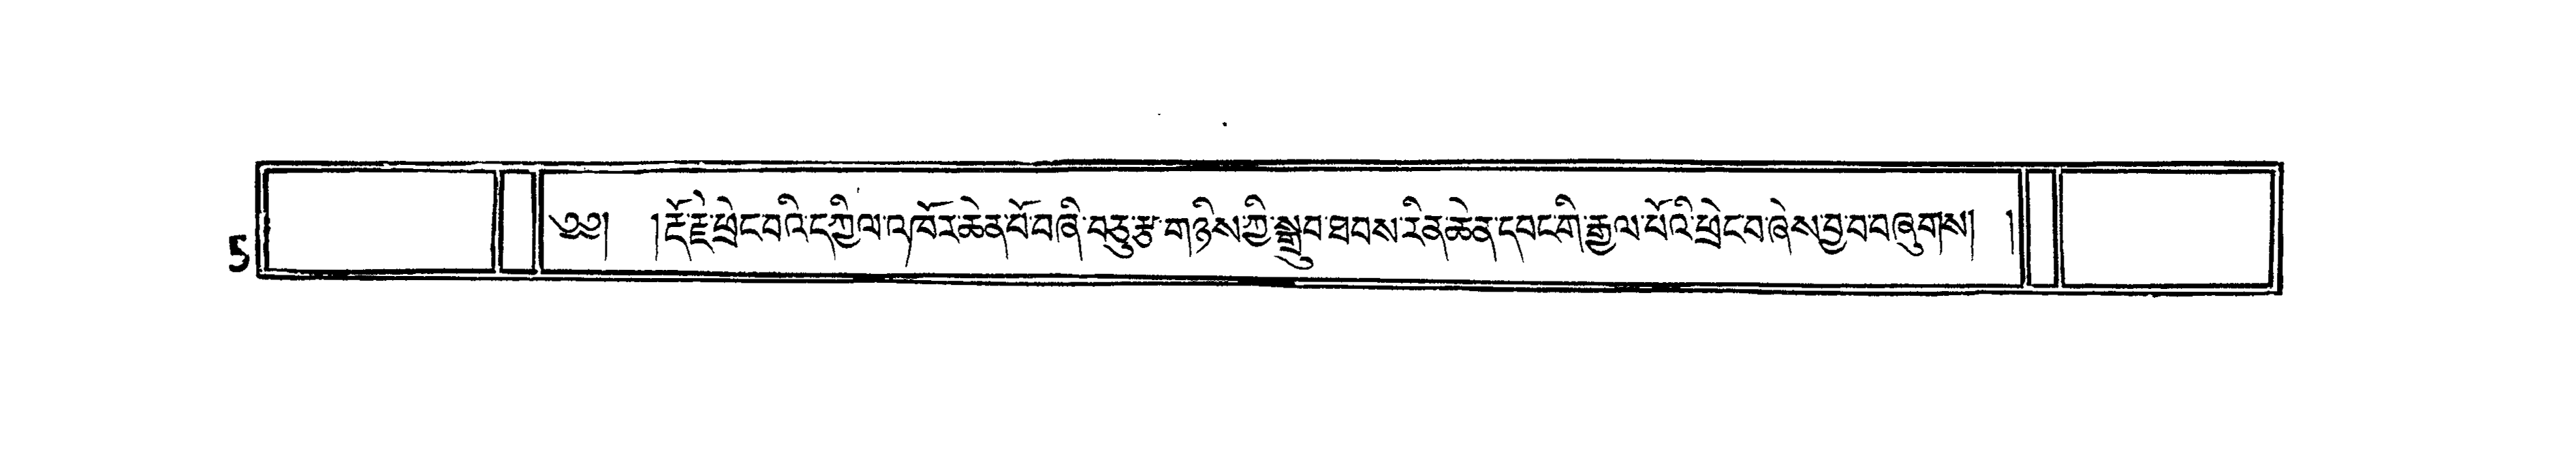༄༅། །རྡོ་རྗེ་ཕྲེང་བའི་དཀྱིལ་འཁོར་ཆེན་པོ་བཞི་བཅུ་རྩ་གཉིས་ཀྱི་སྒྲུབ་ཐབས་རིན་ཆེན་དབང་གི་རྒྱལ་པོའི་ཕྲེང་བ་ཞེས་བྱ་བ་བཞུགས། །